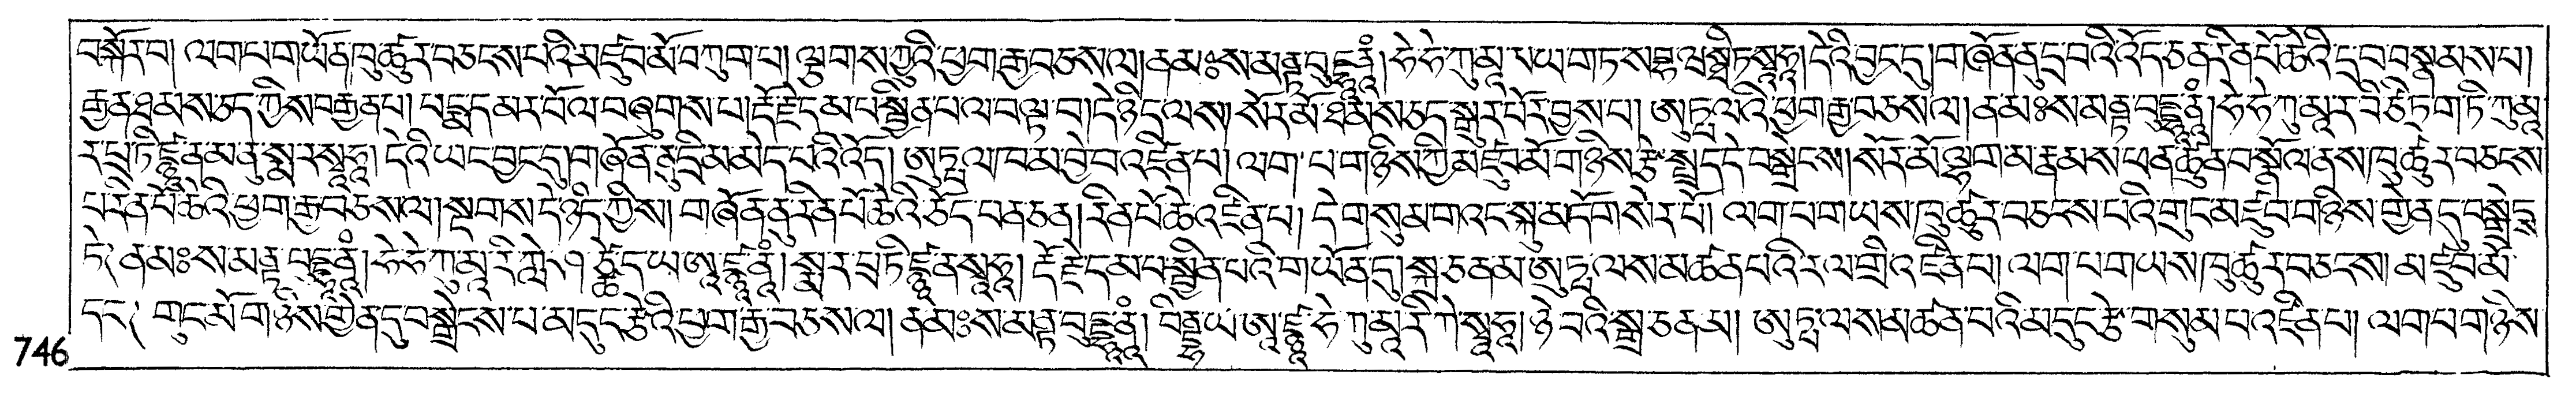བསྐོར་བ། ལག་པ་གཡོན་ཁུ་ཚུར་བཅངས་པའི་མཛུབ་མོ་བཀུག་པ། ལྕགས་ཀྱུའི་ཕྱག་རྒྱ་བཅས་ལ། ན་མཿ ས་མནྟ་བུདྡྷཱ་ནཱཾ། ཧེ་ཧེ་ཀུ་མཱ་མ་ཡ་ག་ཏ་སབྷ་ཝསྠིཏ་སྭཱཧཱ། དེའི་བྱང་དུ། གཞོན་ནུ་དྲ་བའི་འོད་ཅན་རིན་པོ་ཆེའི་དྲ་བ་བསྣམས་པ།
རྒྱན་ཐམས་ཅད་ཀྱིས་བརྒྱན་པ། པདམ་དམར་པོ་ལ་བཞུགས་པ། རྡོ་རྗེ་དམ་པ་སྦྱིན་པ་ལ་བལྟ་བ། དེ་ཉིད་ལས། སོར་མོ་ཐམས་ཅད་སྒུར་པོར་བྱས་པ། ཨུཏྤ་ལའི་ཕྱག་རྒྱ་བཅས་ལ། ན་མཿ ས་མནྟ་བུདྡྷཱ་ནཱཾ། ཧེ་ཧེ་ཀུ་མཱ་ར་བི་ཙིཏྲ་ག་ཏི་ཀུམཱ་
ར་པྲ་ཏི་ཛྙཱ་ན་མ་ནུ་སྨ་ར་སྭཱཧཱ། དེའི་ཡང་བྱང་དུ། གཞོན་ནུ་དྲི་མ་མེད་པའི་འོད། ཨུཏྤལ་ཁ་མ་བྱེ་བ་འཛིན་པ། ལག་པ་གཉིས་ཀྱི་མཛུབ་མོ་གཉིས་རྩེ་སྤྲད་དེ་བསྒྲེངས། སོར་མོ་ལྷག་མ་རྣམས་ཕན་ཚུན་བསྣོལ་ནས་ཁུ་ཚུར་བཅངས་
པ་རིན་པོ་ཆེའི་ཕྱག་རྒྱ་བཅས་ལ། སྔགས་དེ་ཉིད་ཀྱིས། གཞོན་ནུ་རིན་པོ་ཆེའི་ཅོད་པན་ཅན། རིན་པོ་ཆེ་འཛིན་པ། དེ་གསུམ་གའང་སྐུ་མདོག་སེར་པོ། ལག་པ་གཡས་ཁུ་ཚུར་བཅངས་པའི་གུང་མཛུབ་གཉིས་གྱེན་དུ་བསྒྲེངས་
ཏེ། ན་མཿ ས་མནྟ་བུདྡྷཱ་ནཱཾ། ཧེ་ཧེ་ཀུ་མཱ་རི་ཀླེ་ཤ་ཙྪེ་ད་ཡ་ཨཱ་ཛྙཱ་ནཱཾ། སྨ་ར་པྲ་ཏིཛྙཱ་ན་སྭཱཧཱ། རྡོ་རྗེ་དམ་པ་སྦྱིན་པའི་གཡོན་དུ། སྐྲ་ཅན་མ་ཨུཏྤ་ལས་མཚན་པའི་རལ་གྲི་འཛིན་པ། ལག་པ་གཡས་ཁུ་ཚུར་བཅངས། མཛུབ་མོ་
དང་། གུང་མོ་གཉིས་གྱེན་དུ་བསྒྲེངས་པ་མདུང་རྩེའི་ཕྱག་རྒྱ་བཅས་ལ། ན་མཿ ས་མནྟ་བུདྡྷཱ་ནཱཾ། བིནྡྷ་ཡ་ཨཱཛྙཱ་ཧེ་ཀུ་མཱ་རི་ཀེ་སྭཱཧཱ། ཉེ་བའི་སྒྲ་ཅན་མ། ཨུཏྤ་ལས་མཚན་པའི་མདུང་རྩེ་གསུམ་པ་འཛིན་པ། ལག་པ་གཉིས་